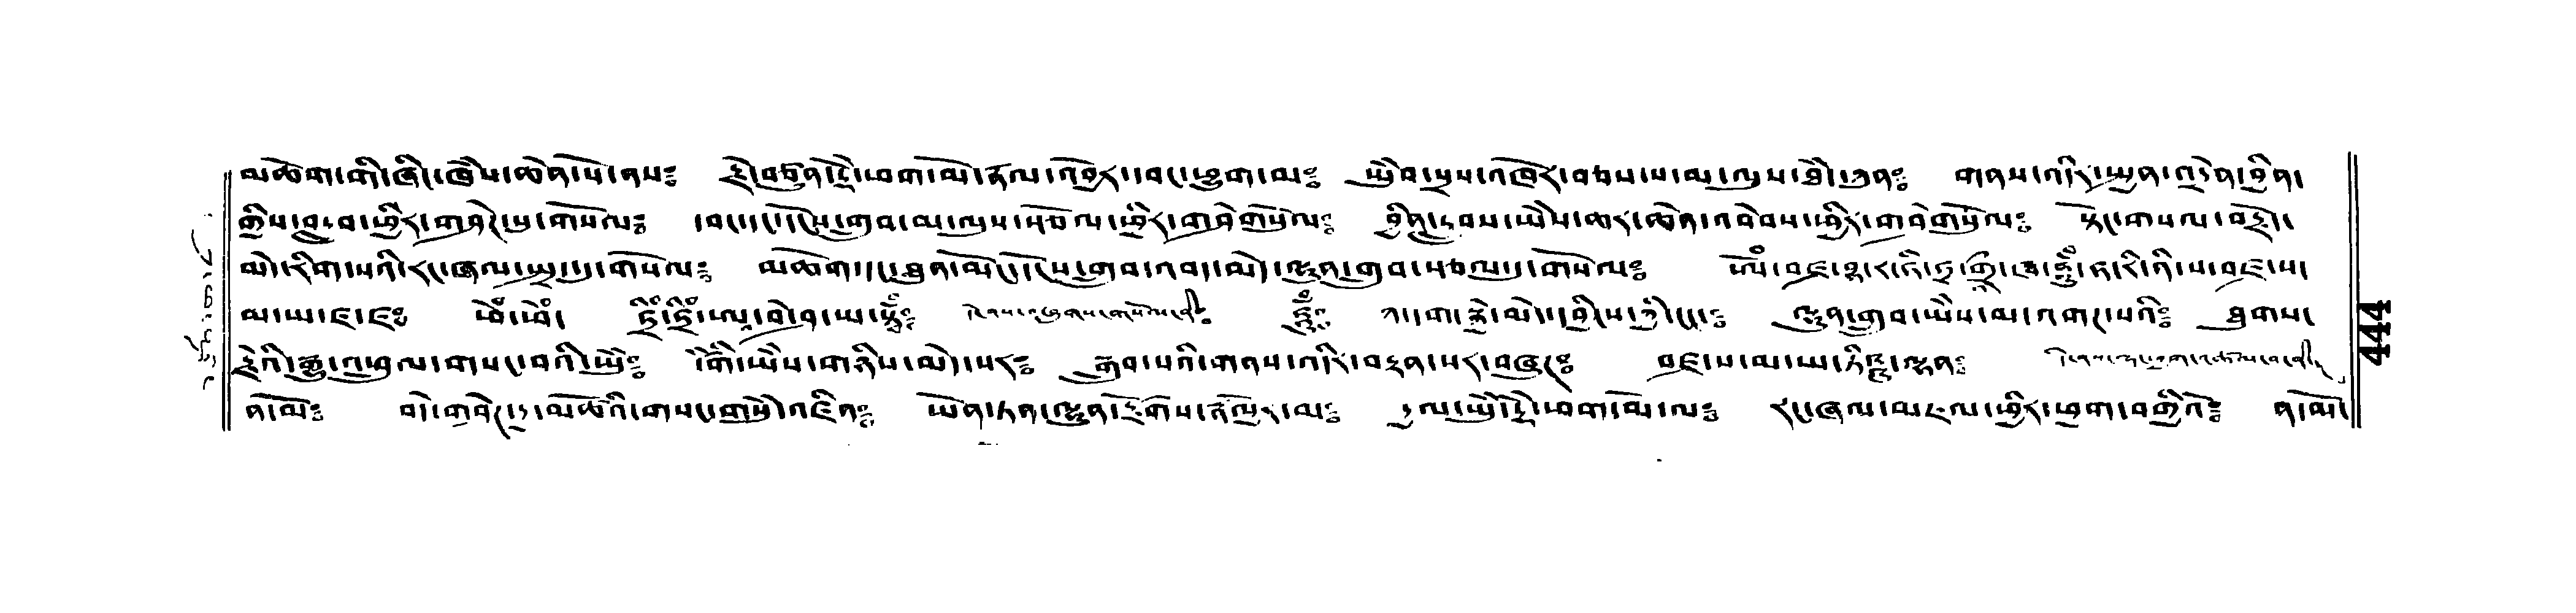མཆོག་གི་ཞིང་ཁམས་ཆེན་པོ་ནས༔ རྗེ་བཙུན་རྡོ་རྗེ་ཕག་མོ་རྣལ་འབྱོར་དབང་ཕྱུག་མ༔ ཡབ་ཡུམ་སྲས་འཁོར་བཅས་པ་མ་ལུས་ཐམས་ཅད་ཀུན༔གནས་འདིར་སྤྱན་འདྲེན་བྱིན་
གྱིས་རློབ་ཕྱིར་གཤེགས་སུ་གསོལ༔ དབང་དང་དངོས་གྲུབ་མ་ལུས་སྩོལ་ཕྱིར་གཤེགས་སུ་གསོལ༔ བྱིན་རླབས་ཡེ་ཤེས་ཆར་ཆེན་འབེབས་ཕྱིར་གཤེགས་སུ་གསོལ༔ སྟོང་གསལ་བརྗོད་
མེད་རིག་པའི་རང་ཞལ་སྤྲད་དུ་གསོལ༔ མཆོག་དང་ཐུན་མོང་དངོས་གྲུབ་འབད་མེད་ལྷུན་གྲུབ་སྩལ་དུ་གསོལ༔ ཨོཾ་བཛྲ་བྷ་ར་ཧི་ཧྱ་གྲཱྀ་ཝ་ཧཱུྃ་ཧ་རི་ནི་ས་བཛྲ་ས་
མ་ཡ་ཛ་ཛཿ ཕེཾ་ཕེཾཿ ཧྲིཾ་ཧྲིཾ་ཨཱ་བེ་ཤ་ཡ་སྟྭྃ༔ དེ་ནས་བཞུགས་གསོལ་ནི༔ ཧཱུྃ༔ ཀ་དག་སྐྱེ་མེད་དབྱིངས་ཀྱི་ངང༔ ལྷུན་གྲུབ་ཡེ་ཤེས་མ་འགགས་པའི༔ ཐུགས་
རྗེའི་སྒྱུ་འཕྲུལ་གསང་བའི་ཡུམ༔ དམ་ཚིག་ཡེ་ཤེས་གཉིས་མེད་པར༔ སྒྲུབ་པའི་གནས་འདིར་བརྟན་པར་བཞུགས༔ བཛྲ་ས་མ་ཡ་ཏིཥྛ་ལྷན༔ དེ་ནས་ལྷ་ཕྱག་འཚལ་བ་ནི༔ 
ན་མོ༔ བདེ་གཤེགས་རྒྱ་མཚོའི་གསང་གསུམ་འཛིན༔ ཡོན་ཏན་ལྷུན་རྫོགས་རྣལ་འབྱོར་མ༔ རྒྱལ་ཡུམ་རྡོ་རྗེ་ཕག་མོ་ལ༔ རང་ཞལ་མཇལ་ཕྱིར་ཕྱག་བགྱིའོ༔ ན་མོ་